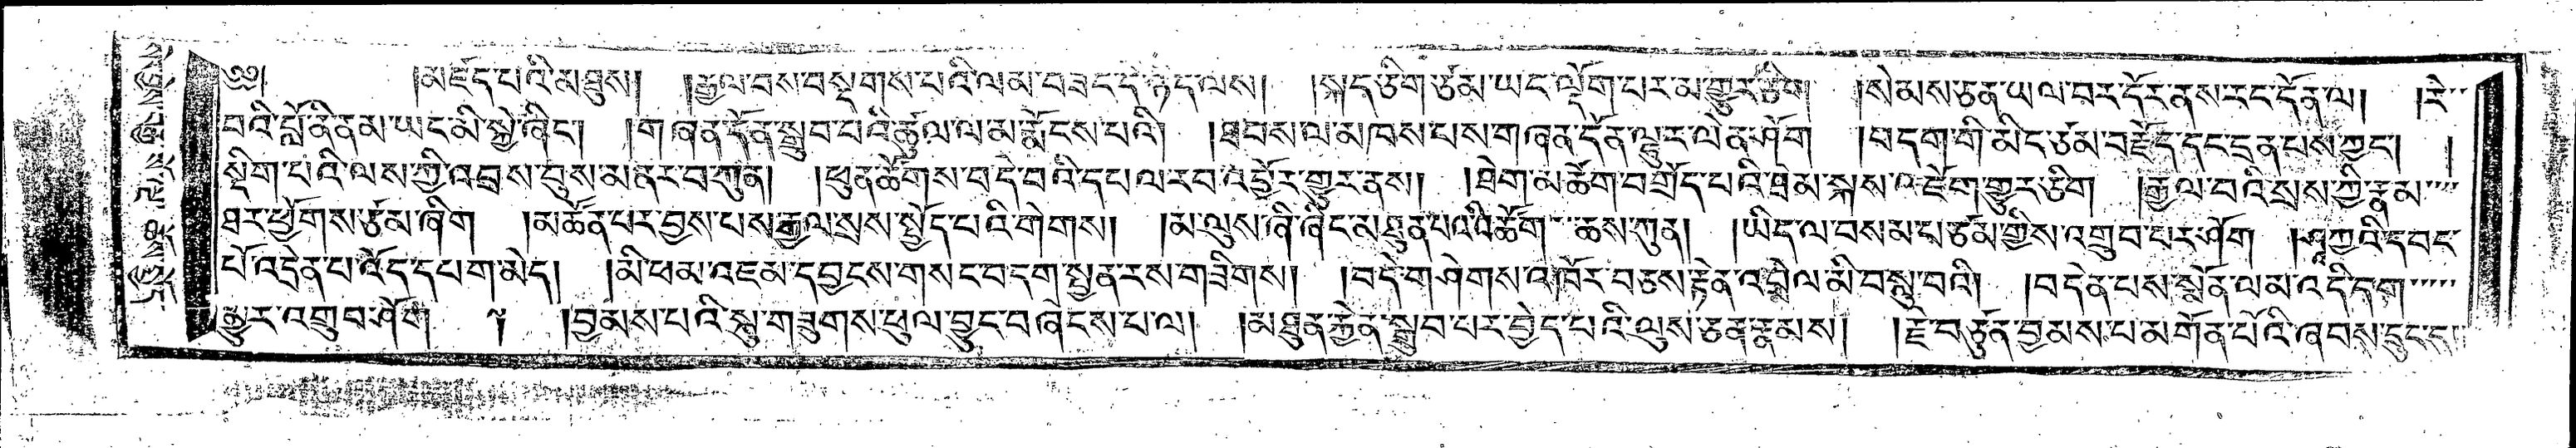༄༅། །མཛད་པའི་མཐུས། །རྒྱལ་བས་བསྔགས་པའི་ལམ་བཟང་དེ་ཉིད་ལས། །སྐད་ཅིག་ཙམ་ཡང་ལྡོག་པར་མ་གྱུར་ཅིག །སེམས་ཅན་ཡལ་བར་དོར་ནས་རང་དོན་ལ། །རེ་
བའི་བློ་ནི་ནམ་ཡང་མི་སྐྱེ་ཞིང་། །གཞན་དོན་སྒྲུབ་པའི་ཚུལ་ལ་མ་རྨོངས་པའི། །ཐབས་ལ་མཁས་པས་གཞན་དོན་ལྷུར་ལེན་ཤོག །བདག་གི་མིང་ཙམ་བརྗོད་དང་དྲན་པས་ཀྱང་། །
སྡིག་པའི་ལས་ཀྱི་འབྲས་བུས་མནར་བ་ཀུན། །ཕུན་ཚོགས་བདེ་བའི་དཔལ་རབ་འབྱོར་གྱུར་ནས། །ཐེག་མཆོག་བགྲོད་པའི་ཐེམ་སྐས་འཛེག་གྱུར་ཅིག །རྒྱལ་བའི་སྲས་ཀྱི་རྣམ་
ཐར་ཕྱོགས་ཙམ་ཞིག །མཚོན་པར་བྱས་པས་རྒྱལ་སྲས་སྤྱོད་པའི་གེགས། །མ་ལུས་ཞི་ཞིང་མཐུན་པའི་འཚོག་ཆས་ཀུན། །ཡིད་ལ་བསམ་པ་ཙམ་གྱིས་འགྲུབ་པར་ཤོག །ཤཱཀྱའི་དབང་
པོ་འདྲེན་པ་འོད་དཔག་མེད། །མི་ཕམ་འཇམ་དབྱངས་གསང་བདག་སྤྱན་རས་གཟིགས། །བདེ་གཤེགས་འཁོར་བཅས་རྟེན་འབྲེལ་མི་བསླུ་བའི། །བདེན་པས་སྨོན་ལམ་འདི་དག་
མྱུར་འགྲུབ་ཤོག ༈ །བྱམས་པའི་སྐུ་གཟུགས་ཕུལ་བྱུང་བཞེངས་པ་ལ། །མཐུན་རྐྱེན་སྒྲུབ་པར་བྱེད་པའི་ལུས་ཅན་རྣམས། །རྗེ་བཙུན་བྱམས་པ་མགོན་པོའི་ཞབས་དྲུང་དུ།།